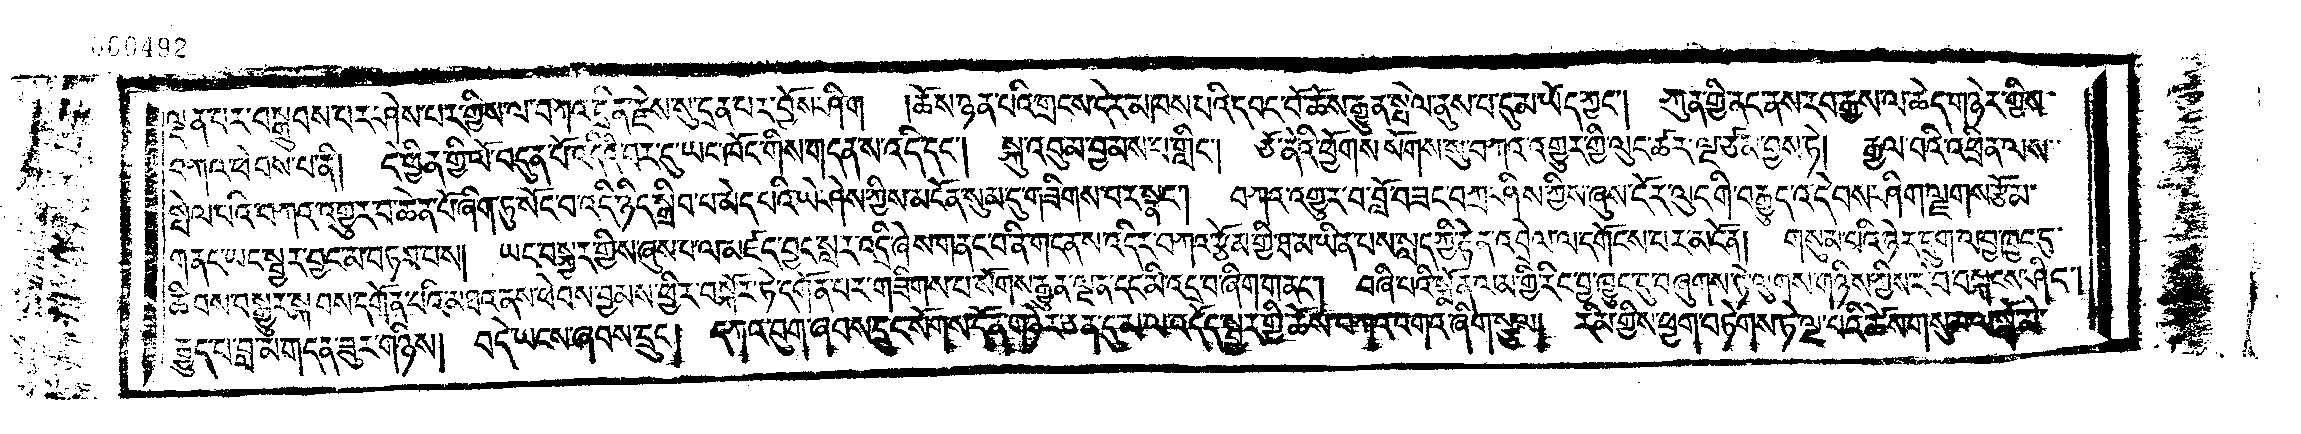ལྡན་པར་བསྒྲུབས་པར་ཤེས་པར་གྱིས་ལ་བཀའ་དྲིན་རྗེས་སུ་དྲན་པར་བྱོས་ཤིག །ཆོས་ཉན་པའི་གྲངས་དེར་མཁས་པའི་དབང་པོ་ཆོས་རྒྱུན་སྤེལ་ནུས་པ་དུ་མ་ཡོད་ཀྱང་། ཀུན་གྱི་ནང་ནས་རབ་རྒྱས་ལ་ཆེད་གཉེར་གྱིས་
བཀའ་ཕེབས་པ་ནི། དེ་ཕྱིན་གྱི་ལོ་བདུན་པོ་འདིའི་བར་དུ་ཡང་ཁོང་གིས་གདན་ས་འདི་དང་། སྐུ་འབུམ་བྱམས་པ་གླིང་། ཅོ་ནེའི་ཕྱོགས་སོགས་སུ་བཀའ་འགྱུར་གྱི་ལུང་ཚར་ལྔ་ཙམ་བྱས་ཏེ། རྒྱལ་བའི་འཕྲིན་ལས་
སྤེལ་བའི་བཀའ་འགྱུར་པ་ཆེན་པོ་ཞིག་ཏུ་སོང་བ་འདི་ཉིད་སྒྲིབ་པ་མེད་པའི་ཡེ་ཤེས་ཀྱིས་མངོན་སུམ་དུ་གཟིགས་པར་སྣང་། བཀའ་འགྱུར་བ་བློ་བཟང་བཀྲ་ཤིས་ཀྱིས་ཞུས་ངོར་ལུང་གི་བརྒྱུད་འདེབས་ཤིག་ལྗགས་རྩོམ་
གནང་ཡང་སྦྱར་བྱང་མ་བཏབ་པས། ཡང་བསྐྱར་གྱིས་ཞུས་པ་ལ་མཛད་བྱང་སླར་འདྲི་ཞེས་གནང་བ་ནི་གདན་ས་འདིར་བཀའ་རྩོམ་གྱི་ཐ་མ་ཡིན་པས་སླད་ཀྱི་རྟེན་འབྲེལ་ལ་དགོངས་པར་མངོན། གསུམ་པའི་ཉེར་དྲུག་ལ་བྱ་ཁྱུང་དུ་
ཆིབས་བསྒྱུར་སྐབས་དགོན་པའི་མཐའ་ནས་ཕེབས་བྱམས་ཕྱིར་བསྐོར་ཏེ་དགོན་པར་གཟིགས་པ་སོགས་རྒྱུན་ལྡན་དང་མི་འདྲ་བ་ཞིག་གནང་། བཞི་པའི་སྨོན་ལམ་གྱི་རིང་བྱ་ཁྱུང་དུ་བཞུགས་ཏེ་ལུགས་གཉིས་ཀྱིས་རེ་བ་བསྐངས་ཤིང་།
རྒྱུད་པ་བླ་མ་གདན་ཟུར་གཉིས། བདེ་ཡངས་ཞབས་དྲུང་། དཀའ་བུག་ཞབས་དྲུང་སོགས་དོན་གཉེར་ཅན་དུ་མ་ལ་འདོད་སྦྱར་གྱི་ཆོས་བཀའ་འགའ་ཞིག་སྩལ། རིམ་གྱིས་ཕྱག་བཏེགས་ཏེ་ལྔ་བའི་ཚེས་གསུམ་ལ་སྒོ་མེ་